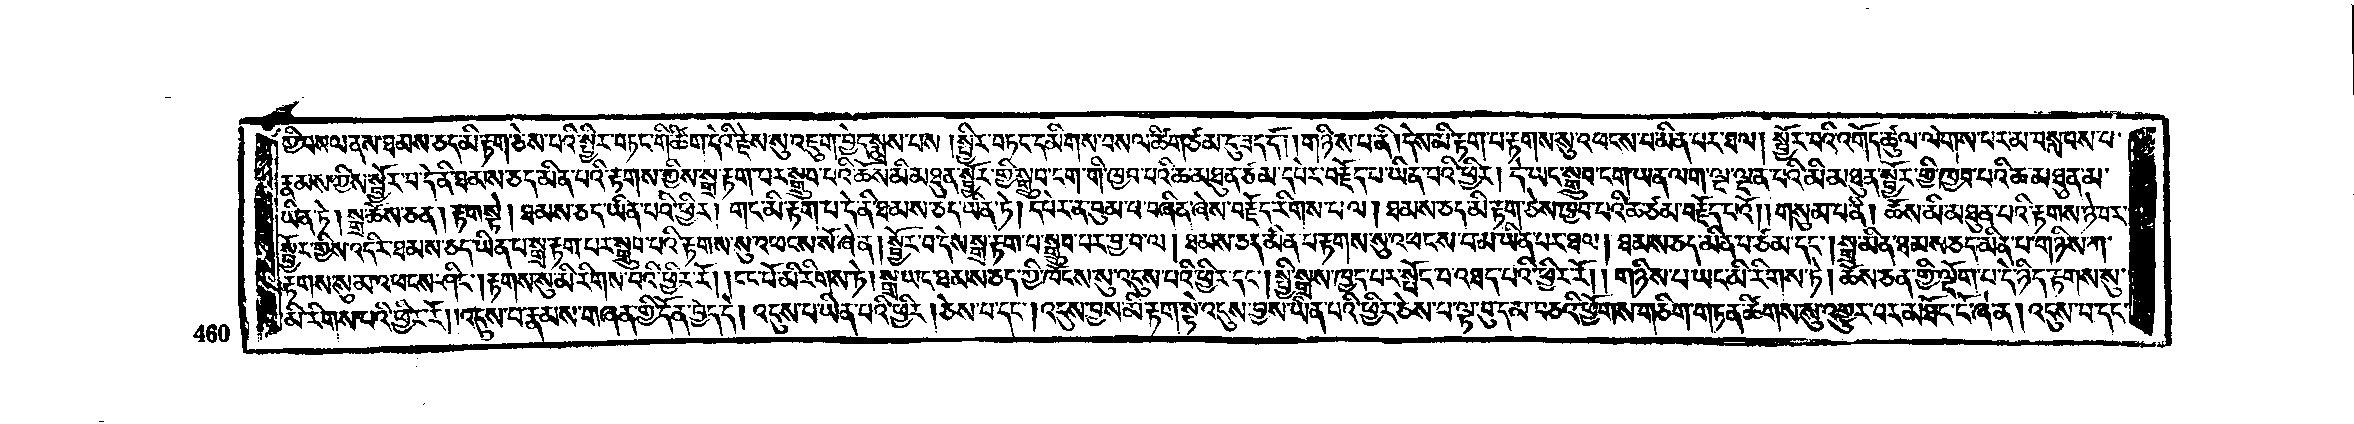གྱི་བསལ་ནས་ཐམས་ཅད་མི་རྟག་ཅེས་པའི་སྤྱིར་བཏང་གི་ཚིག་དེའི་རྗེས་སུ་འཇུག་བྱེད་སྨྲས་པས། སྤྱིར་བཏང་དམིགས་བསལ་ཚིག་ཙམ་དུ་ཟད་དོ། །གཉིས་པ་ནི། དེས་མི་རྟག་པ་རྟགས་སུ་འཕངས་པ་མིན་པར་ཐལ། སྤྱིར་བའི་འགོད་ཚུལ་ལེགས་པར་མ་བསླབས་པ་
རྣམས་ཀྱིས་སྦྱོར་བ་དེ་ནི་ཐམས་ཅད་མིན་པའི་རྟགས་ཀྱིས་སྒྲ་རྟག་པར་སྒྲུབ་པའི་ཆོས་མི་མཐུན་སྦྱོར་གྱི་སྒྲུབ་ངག་གི་ཁྱབ་པའི་ཆ་མཐུན་ཙམ་དཔེར་བརྗོད་པ་ཡིན་པའི་ཕྱིར། དེ་ཡང་སྒྲུབ་ངག་ཡན་ལག་ལྔ་ལྡན་པའི་མི་མཐུན་སྦྱོར་གྱི་ཁྱབ་པའི་ཆ་མཐུན་མ་
ཡིན་ཏེ། སྒྲ་ཆོས་ཅན། རྟག་སྟེ། ཐམས་ཅད་ཡིན་པའི་ཕྱིར། གང་མི་རྟག་པ་དེ་ནི་ཐམས་ཅད་ཡིན་ཏེ། དཔེར་ན་བུམ་པ་བཞིན་ཞེས་བརྗོད་རིགས་པ་ལ། ཐམས་ཅད་མི་རྟག་ཅེས་ཁྱབ་པའི་ཆ་ཙམ་བརྗོད་པའོ། །གསུམ་པ་ནི། ཆོས་མི་མཐུན་པའི་རྟགས་ཉེས་པར་
སྦྱོར་གྱིས་འདིར་ཐམས་ཅད་ཡིན་པ་སྒྲ་རྟག་པ་སྒྲ་རྟག་པར་སྒྲུབ་པའི་རྟགས་སུ་འཕངས་སོ་ཞེ་ན། སྦྱོར་བ་དེས་སྒྲ་རྟག་པ་སྒྲུབ་པར་བྱ་བ་ལ། ཐམས་ཅད་མིན་པ་རྟགས་སུ་འཕངས་པ་མ་ཡིན་པར་ཐལ། ཐམས་ཅད་མིན་པ་ཙམ་དང་། སྒྲ་མིན་ཐམས་ཅད་མིན་པ་གཉིས་ཀ་
རྟགས་སུ་མ་འཕངས་ཤིང་། རྟགས་སུ་མི་རིགས་པའི་ཕྱིར་རོ། །དང་པོ་མི་རིགས་ཏེ། སྒྲ་ཡང་ཐམས་ཅད་ཀྱི་ཁོངས་སུ་འདུས་པའི་ཕྱིར་དང་། སྤྱི་སྒྲས་ཁྱད་པར་སྤོང་བ་འཐད་པའི་ཕྱིར་རོ། །གཉིས་པ་ཡང་མི་རིགས་ཏེ། ཆོས་ཅན་གྱི་ལྡོག་པ་དེ་ཉིད་རྟགས་སུ་
མི་རིགས་པའི་ཕྱིར་རོ། །འདུས་པ་རྣམས་གཞན་གྱི་དོན་བྱེད་དེ། འདུས་པ་ཡིན་པའི་ཕྱིར། ཅེས་པ་དང་། འདུས་བྱས་མི་རྟག་སྟེ་འདུས་བྱས་ཡིན་པའི་ཕྱིར་ཅེས་པ་ལྟ་བུ་དམ་བཅའི་ཕྱོགས་གཅིག་གཏན་ཚིགས་སུ་འགྱུར་བར་མཐོང་ངོ་ཞེ་ན། འདུས་པ་དང་